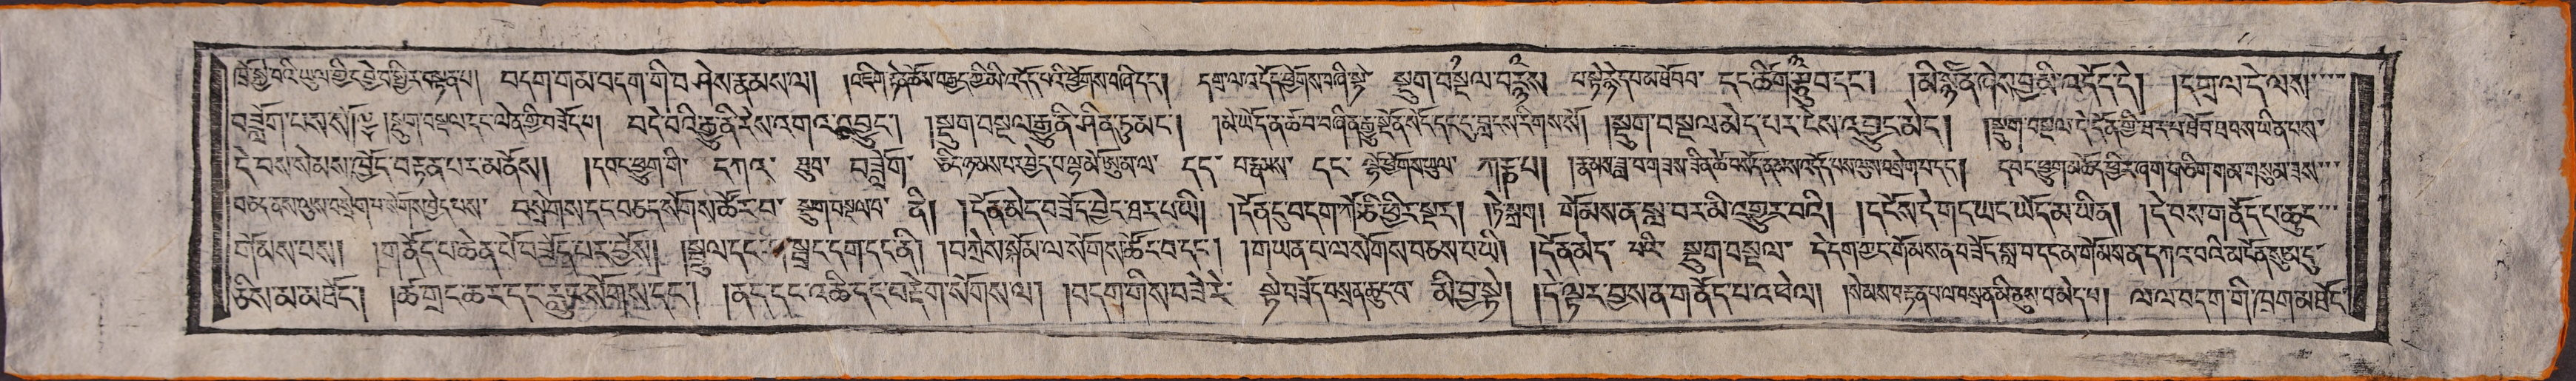།མི་སྙེན་ཞེས་བྱ་མི་འདོད་དེ། །དགྲ་ལ་དེ་ལས་བདག་གི་བཤེས་རྣམས་ལ། །འཇིག་རྟེན་ཆོས་བརྒྱད་ཀྱི་མི་འདོད་པའི་ཕྱོགས་བཞི་དང་། དགྲ་ལ་འདོད་ཕྱོགས་བཞི་སྟེ་སྡུག་བསྔལ་བརྙས་པ་སྟེ་རྙེད་པ་མ་ཐོབ་པ་དང་ཚིག་རྩུབ་དང་། །མི་སྙེན་ཞེས་བྱ་མི་འདོད་དེ། །དགྲ་ལ་དེ་ལས་
བཟློག་པས་སོ། ༈ །སྡུག་བསྔལ་དང་ལེན་གྱི་བཟོད་པ་བདེ་བའི་རྒྱུ་ནི་རེས་འགའ་འབྱུང་། །སྡུག་བསྔལ་རྒྱུ་ནི་ཤིན་ཏུ་མང་། །མེ་ཡོད་ན་ཚ་བ་བཞིན་རྒྱུ་སྔོན་སོང་དང་དུ་བླངས་རིགས་སོ། །སྡུག་བསྔལ་མེད་པར་ངེས་འབྱུང་མེད། །སྡུག་བསྔལ་དེ་དོན་གྱི་ཐར་པ་ཐོབ་ཐབས་ཡིན་པས་
དེ་བས་སེམས་ཁྱོད་བརྟན་པར་མནོས། །དང་བསྡུག་གི་དཀའ་ཐུབས་བཟློག་ཅིང་ཉམས་པར་བྱེད་པ་ལྷ་མོ་ཨུ་མ་ལ་དད་པ་རྣམས་དང་ལྷོ་ཕྱོགས་ཡུལ་ཀརྞ་པ། རྣམས་ཟླ་བ་གཟས་ཟིན་ཚེ་བསོད་ནམས་འདོད་པས་ལུས་བསྲེག་པ་དང་། དབང་ཕུག་མཆོད་ཕྱིར་ཞག་གཅིག་གནས་གསུམ་ཟས་
བཅད་ནས་ལུས་བསྲེག་པ་སྡོགས་བྱེད་པས། བསྲེགས་དང་བཅད་སོགས་ཚོར་བ་སྡུག་བསྔལ་བ། ནི། །དོན་མེད་བཟོད་བྱེད་ཐར་པ་ཡི། །དོན་དུ་བདག་གོ་ཅི་ཕྱིར་སྡར། །ཏེ་སྐྲག། གོམས་ན་སླ་བར་མི་འགྱུར་བའི། །དངོས་དེ་གང་ཡང་ཡོད་མ་ཡིན། །དེ་བས་གནོད་པ་ཆུང་
གོམས་པས། །གནོད་པ་ཆེན་པོ་བཟོད་པར་བྱོས། །སྦྲུལ་དང་ཤ་སྦྲང་དག་དང་ནི། །བཀྲེས་སྐོམ་ལ་སོགས་ཚོར་བ་དང་། །གཡན་པ་ལ་སོགས་བཅས་པ་ཡི། །དོན་མེད་པའི་སྡུག་བསྔལ་དེ་དག་ཀྱང་གོམས་ན་བཟོད་སླ་བ་དང་མ་གོམས་ན་དཀའ་བའི་མངོན་སུམ་དུ་
ཅིས་མ་མཐོང་། །ཚ་གྲང་ཆར་དང་རླུང་སོགས་དང་། །ནད་དང་ཨེའཆི་དང་བརྡེག་སོགས་ལ། །བདག་གིས་བཟེ་རེ་སྟེ་བཟོད་བསྲན་ཆུང་བ་མི་བྱ་སྟེ། །དེ་ལྟར་བྱ་ན་གནོད་པ་འཕེལ། །སེམས་བརྟན་པ་ལ་བསྲན་མི་ནུས་པ་མེད་བ། ལ་ལ་བདག་གི་ཁྲག་མཐོན་